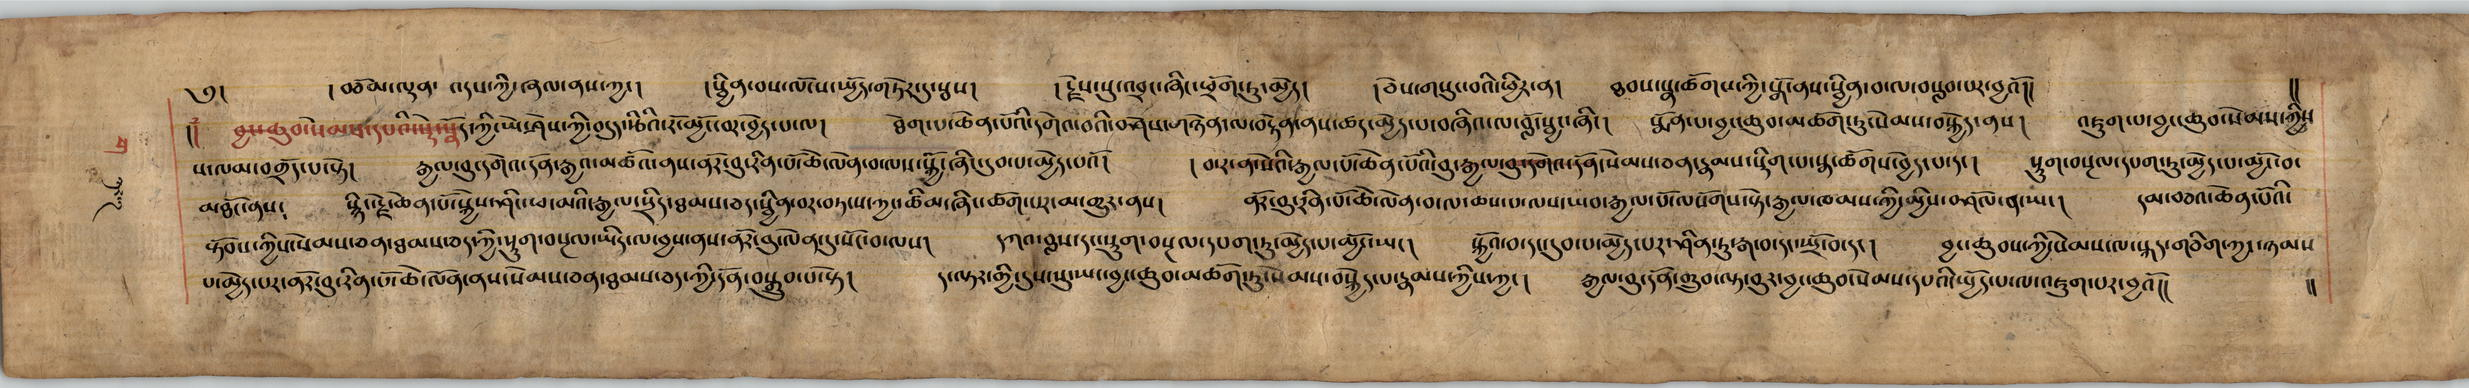༅། །བཅོམ་ལྡན་ འདས་ཀྱི་ཞལ་ནས་ཀྱང། །སྦྱིན་བས་ལོངས་སྤྱོད་གཏེར་དུ་སྦས། །རྗེས་སུ་འབྲང་ཞིང་ཕྲོག་ཏུ་མྱེད། །ཅེས་གསུང་བའི་ཕྱིར་ན། ཐབས་སྣ་ཚོགས་ཀྱི་སྒོ་ནས་སྦྱིན་བ་ལ་བསླབ་པར་བྱའོ།།
བྱང་ཆུབ་སེམས་དཔའི་སྡེ་སྣོད་ཀྱི་ཡེ་ཤེས་ཀྱི་བདུད་རྩིའི་རོ་མྱོང་བར་བྱེད་པ་ལ། ཐེག་པ་ཆེན་པོའི་དགེའ་བའི་བཤེས་གཉེན་ལ་བརྟེན་ནས་ཚད་མྱེད་པ་བཞིའ་ལ་བློ་སྦཡང་ཞིང། སྨོན་པ་བྱང་ཆུབ་མཆོག་ཏུ་སེམས་བསྐྱེད་ནས། འཇུག་པ་བྱང་ཆུབ་སེམས་ཀྱིས
ས་ལམ་བགྲོད་པ་སྟེ། རྒྱལ་བུ་དགེའ་དོན་རྒྱའ་མཚོའ་ནས་ནོར་བུ་རིན་པོ་ཆེ་ལེན་བ་ལས་སྐྱོ་ཞཱིང་དུབ་པ་མྱེད་པའོ། ། བ་ར་ན་སེའི་རྒྱལ་པོ་ཆེན་པོའི་བུ་རྒྱལ་བུ་དགེའ་དོན་སེམས་ཅན་རྣམས་སྡིག་པ་སྣ་ཚོགས་བྱེད་པ་དང། སྡུག་བསྔལ་དཔག་ཏུ་མྱེད་པ་མྱོང་བ་
མཐོང་ནས༴ སྙིང་རྗེ་ཆེན་པོ་སྐྱེས་ཤིང་ཕ་མའི་རྒྱལ་སྲིད་ཐམས་ཅད་སྦྱིན་བར་བཏངས་ཀྱང་ཚིམ་ཞིང་ཚོག་པར་མ་གྱུར་ནས། ནོར་བུ་རིན་པོ་ཆེ་ལེན་བ་ལ་ཆས་པ་ལས་ཡབ་རྒྱལ་པོ་ལསོགས་སྟེ་རྒྱལ་ཁམས་ཀྱི་མྱིས་བཤོལ་ན་ཡང། དམ་བཅའ་ཆེན་པོའི་
སྟོབས་ཀྱིས་སེམས་ཅན་ཐམས་ཅད་ཀྱི་སྡུག་བསྔལ་ཡིད་ལ་བྱས་ནས་ནོར་བུ་ལེན་དུ་སོང་བ་ལས། དཀའ་བླས་དང་སྡག་བསྔལ་དཔག་ཏུ་མྱེད་པ་མྱོང་ཡང། སྐྱོའ་བ་དང་དུབ་པ་མྱེད་པར་ཤིན་ཏུ་རྒ་བ་དང་སྤྲོ་བ་དང། བྱང་ཆུབ་ཀྱི་སེམས་ལ་སྐད་གཅིག་ཀྱང་ཉམས
པ་མྱེད་པར་ནོར་བུ་རིན་པོ་ཆེན་ལོན་ནས་སེམས་ཅན་ཐམས་ཅད་ཀྱི་དོན་བསྒྲུབ་པ་སྟེ། ད་ལྟར་གྱི་དུས་སུ་ཡང་བྱང་ཆུབ་ཏུ་སེམས་བསྐྱེད་པ་རྣམས་ཀྱིས་ཀྱང། རྒྱལ་བུ་དོན་གྲུབ་ལྟ་བུར་བྱང་ཆུབ་སེམས་དཔའི་སྤྱོད་པ་ལ་འཇུག་པར་བྱའོ།།